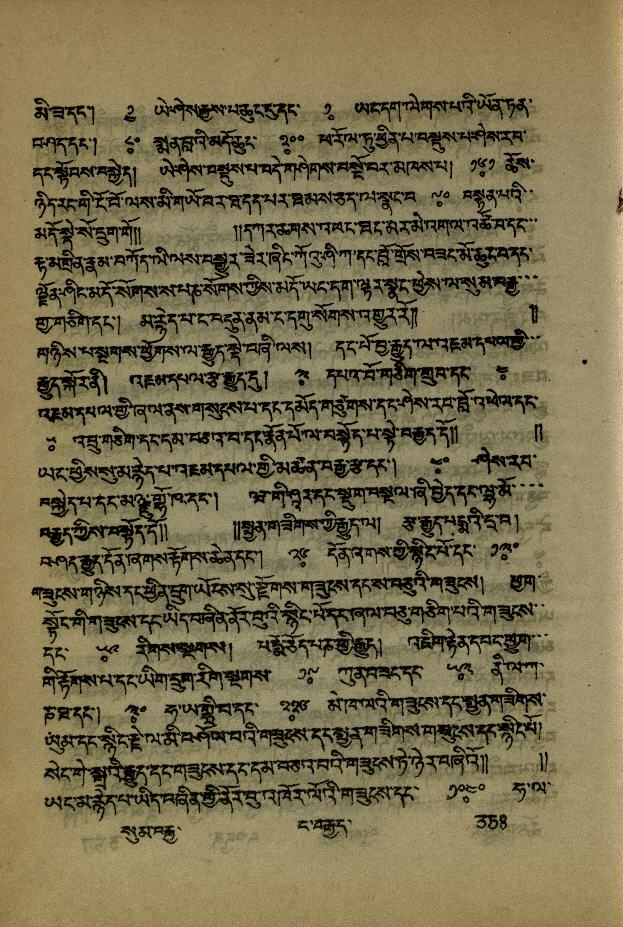མི་ཟ་དང་། ༡༤་ཡེ་ཤེས་རྒྱས་པ་ཆུང་དུ་དང ༡་ཡང་དག་ལེགས་པའི་ཡོན་ཏན་
བཤད་དང་། ༨༠་སྨན་བླའི་མདོ་ཆུང ༢༠༠་ཕ་རོལ་ཏུ་ཕྱིན་པ་བསྡུས་པ་ཤེས་རབ་
དང་སྟོབས་བསྐྱེད། ཡེ་ཤེས་བསྡུས་པ་བདེ་གཤེགས་བསྔོ་བར་མཁས་པ། ༡༦༡་ཆོས་
ཉིད་རང་གི་ངོ་བོ་ལས་མི་གཡོ་བར་ཐ་དད་པར་ཐམས་ཅད་ལ་སྣང་བ ༧༠་བསྟན་པའི་
མདོ་སྡེ་སོ་དྲུག་གོ།། །།དཀར་ཆགས་འཕང་ཐང་མར་མེ་འགལ་འཚོ་བ་དང་
རྟ་མགྲིན་རྣམ་བཀོད་ལི་ལས་བསྒྱུར་ཟེར་ཞིང་ཀོའུ་ཤི་ཀ་དང་བློ་གྲོས་བཟང་མོ་ཆུང་བ་དང་
ལྗོན་ཤིང་མདོ་སོགས་ས་པཎ་སོགས་ཀྱིས་མདོ་ཡང་དག་ལྟར་སྣང་ཕྱེས་ལ་སུམ་བརྒྱ་
གྱ་གཅིག་དང་། མ་རྙེད་པ་ང་བདུན་ནམ་ང་དགུ་སོགས་འགྱུར་རོ།། །།
གཉིས་པ་སྔགས་ཕྱོགས་ལ་རྒྱུད་སྡེ་བཞི་ལས། དང་པོ་བྱ་རྒྱུད་ལ་འཇམ་དཔལ་གྱི་
རྒྱུད་སྐོར་ནི། འཇམ་དཔལ་རྩ་རྒྱུད་དུ། ༣་དཔའ་བོ་གཅིག་གྲུབ་དང་། ༤
འཇམ་དཔལ་གྱི་ཞལ་ནས་གསུངས་པ་དང་དམོད་གཙུགས་དང་ཤེས་རབ་བློ་འཕེལ་དང་
༥་འབྲུ་གཅིག་དང་དམ་བཅའ་བ་དང་རྣོན་པོ་ལ་བསྟོད་པ་སྟེ་བརྒྱད་དོ།། །།
ཡང་ཕྱིས་སུ་མ་རྙེད་པ་འཇམ་དཔལ་གྱི་མཚན་བརྒྱ་རྩ་དང་། ༤༠་ཤེས་རབ་
བསྐྱེད་པ་དང་མཉྫུ་གྷོ་ཥ་དང་། ཝ་གི་ཤཱར་དང་སྡུག་བསྔལ་ཞི་བྱེད་དང་ལྷ་མོ་
བརྒྱད་ཀྱིས་བསྟོད་དོ།། །།སྤྱན་གཟིགས་ཀྱི་རྒྱུད་ལ། རྩ་རྒྱུད་པདམའི་དྲ་བ།
བཤད་རྒྱུད་དོན་ཞགས་རྟོགས་ཆེན་དང་། ༢༦་དོན་ཞགས་ཀྱི་སྙིང་པོ་དང ༡༣༠
གཟུངས་གཉིས་དང་ཕྱིན་དྲུག་ཡོངས་སུ་རྫོགས་གཟུངས་དངས་ཨ་བཅུའི་གཟུངས། །ཕྱག་
སྟོང་གི་གཟུངས་དང་ཡིད་བཞིན་ནོར་བུའི་སྙིང་པོ་དང་ཞལ་བཅུ་གཅིག་བའི་གཟུངས་
དང ༥༩་རིགས་སྔགས། པདམོ་ཅོད་པཎ་གྱི་རྒྱུད། །འཇིག་རྟེན་དབང་ཕྱུག་
གི་རྟོགས་པ་དང་ཡིག་དྲུག་རིག་སྔགས ༡༧་ཀུན་བཟང་དང ༥༣་ནི་ལ་ཀ་
ཎ་ཐ་དང་། ༣༠་ཧ་ཡ་གྷྲི་བ་དང ༢༢༦་མེ་ཁ་ལའི་གཟུངས་དང་སྤྱན་གཟིགས་
ཡུམ་དང་སྙིང་རྗེ་ལ་མི་བཤོལ་པའི་གཟུངས་དང་སྦྱན་གཟིགས་གསུངས་དང་སྙིང་པོ།
སེང་གེ་སྒྲའི་རྒྱུད་དང་གཟུངས་དང་དམ་བཅའ་བའི་གཟུངས་ཏེ་ཉེར་བཞིའོ།། །།
ཡང་མ་རྙེད་པ་ཡིད་བཞིན་བྱི་ནོར་བུ་འཁོར་ལོའི་གཟུངས་དང ༡༠༤༠་ཧ་ལ་